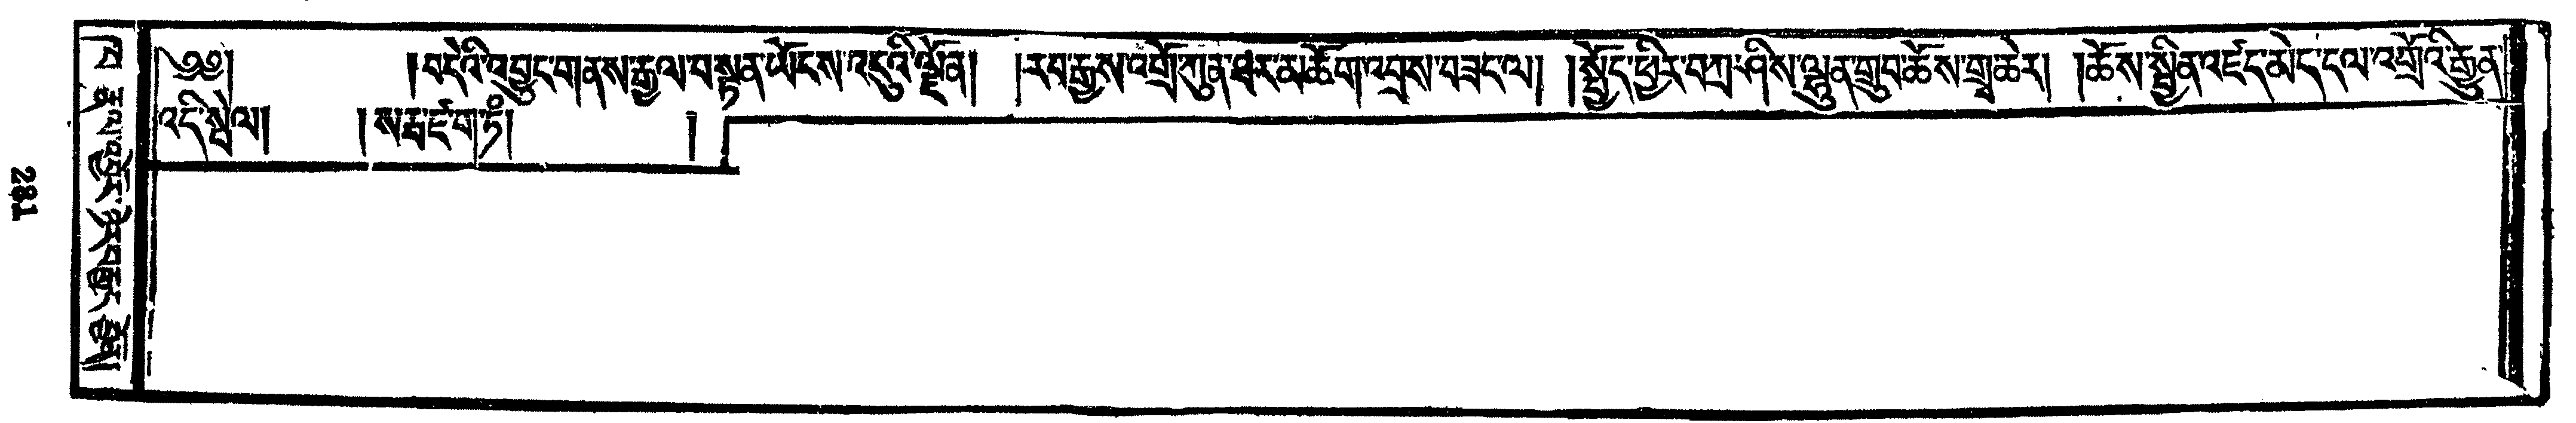༄༅། །བདེའི་འབྱུང་གནས་རྒྱལ་བསྟན་ཡོངས་འདུའི་ལྗོན། །རབ་རྒྱས་འགྲོ་ཀུན་ཐར་མཆོག་འབྲས་བཟང་ལ། །སྤྱོད་ཕྱིར་བཀྲ་ཤིས་ལྷུན་གྲུབ་ཆོས་གྲྭ་ཆེར། །ཆོས་སྦྱིན་འཛད་མེད་དལ་འགྲོའི་རྒྱུན་
འདི་སྤེལ། །སརྦ་ཛ་ག་ཏཾ། །